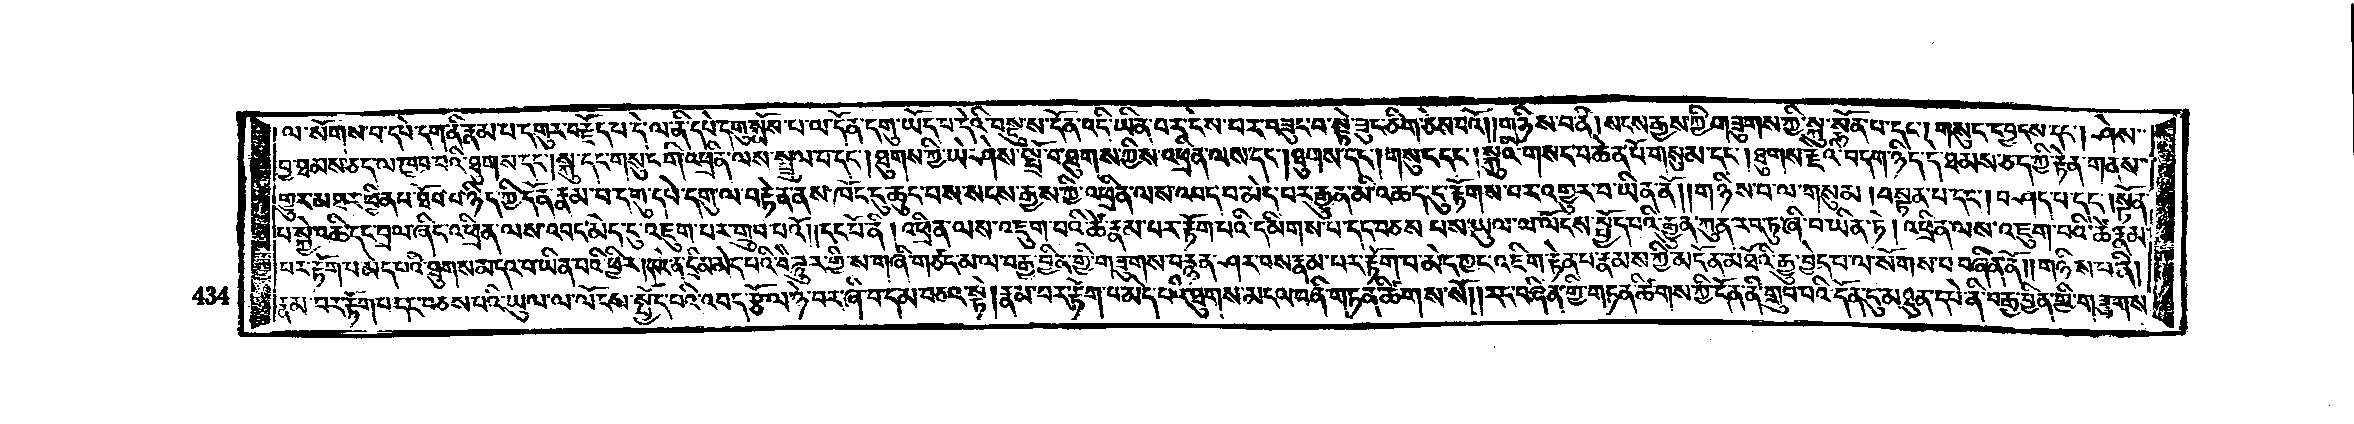ལ་སོགས་པ་དཔེ་དག་ནི་རྣམ་པ་དགུར་བརྗོད་པ་དེ་ལ་ནི་དཔེ་དགུ་སྨོས་པ་ལ་དོན་དགུ་ཡོད་པ་དེའི་བསྡུས་དོན་འདི་ཡིན་པར་ངེས་པར་བཟུང་བ་སྟེ་ཟུང་ཅིག་ཅེས་པའོ། །གཉིས་པ་ནི། སངས་རྒྱས་ཀྱི་གཟུགས་ཀྱི་སྐུ་སྟོན་པ་དང་། གསུང་དབྱངས་དང་། ཤེས་
བྱ་ཐམས་ཅད་ལ་ཁྱབ་པའི་ཐུགས་དང་། སྐུ་དང་གསུང་གི་འཕྲིན་ལས་སྤྲུལ་པ་དང་། ཐུགས་ཀྱི་ཡེ་ཤེས་སྤྲོ་བ་ཐུགས་ཀྱིས་འཕྲིན་ལས་དང་། ཐུགས་དང་། གསུང་དང་། སྐུའི་གསང་བ་ཆེན་པོ་གསུམ་དང་། ཐུགས་རྗེའི་བདག་ཉིད་དེ་ཐམས་ཅད་ཀྱི་རྟེན་གནས་
གྱུར་མཐར་ཕྱིན་པ་ཐོབ་པ་ཉིད་ཀྱི་དོན་རྣམ་པ་དགུ་དཔེ་དགུ་ལ་བརྟེན་ནས་ཁོང་དུ་ཆུང་པས་སངས་རྒྱས་ཀྱི་འཕྲིན་ལས་འབད་པ་མེད་པར་རྒྱུན་མི་འཆད་དུ་རྟོགས་པར་འགྱུར་བ་ཡིན་ནོ། །གཉིས་པ་ལ་གསུམ། བསྟན་པ་དང་། བཤད་པ་དང་། སྟོན་
པ་སྐྱེ་འཆི་དང་བྲལ་ཞིང་འཕྲིན་ལས་འབད་མེད་དུ་འཇུག་པར་གྲུབ་པའོ། །དང་པོ་ནི། འཕྲིན་ལས་འཇུག་པའི་ཚེ་རྣམ་པར་རྟོགས་པའི་དམིགས་པ་དང་བཅས་པས་ཡུལ་ལ་ལོངས་སྤྱོད་པའི་རྒྱུན་ཀུན་རབ་ཏུ་ཞི་བ་ཡིན་ཏེ། འཕྲིན་ལས་འཇུག་པའི་ཚེ་རྣམ་
པར་རྟོག་པ་མེད་པའི་ཐུགས་མདའ་བ་ཡིན་པའི་ཕྱིར། དཔེར་ན་དྲི་མ་མེད་པའི་བཻ་ཌཱུར་གྱི་ས་གཞི་གཙང་མ་ལ་བརྒྱ་བྱིན་གྱི་གཟུགས་བརྙན་ཤར་བས་རྣམ་པར་རྟོག་པ་མེད་ཀྱང་འཇིག་རྟེན་པ་རྣམ་ཀྱི་མངོན་མཐོའི་རྒྱུ་བྱེད་པ་ལ་སོགས་པ་བཞིན་ནོ། །གཉིས་པ་ནི།
རྣམ་པར་རྟོག་པ་དང་བཅས་པའི་ཡུལ་ལ་ལོངས་སྤྱོད་པའི་འབད་རྩོལ་ཉེ་བར་ཞི་བ་དམ་བཅའ་སྟེ། རྣམ་པར་རྟོག་པ་མེད་པའི་ཐུགས་མངལ་བ་ནི་གཏན་ཚིགས་སོ། །རང་བཞིན་གྱི་གཏན་ཚིགས་ཀྱི་དོན་ནི་གྲུབ་པའི་དོན་དུ་མཐུན་དཔེ་ནི་བརྒྱ་བྱིན་གྱི་གཟུགས་